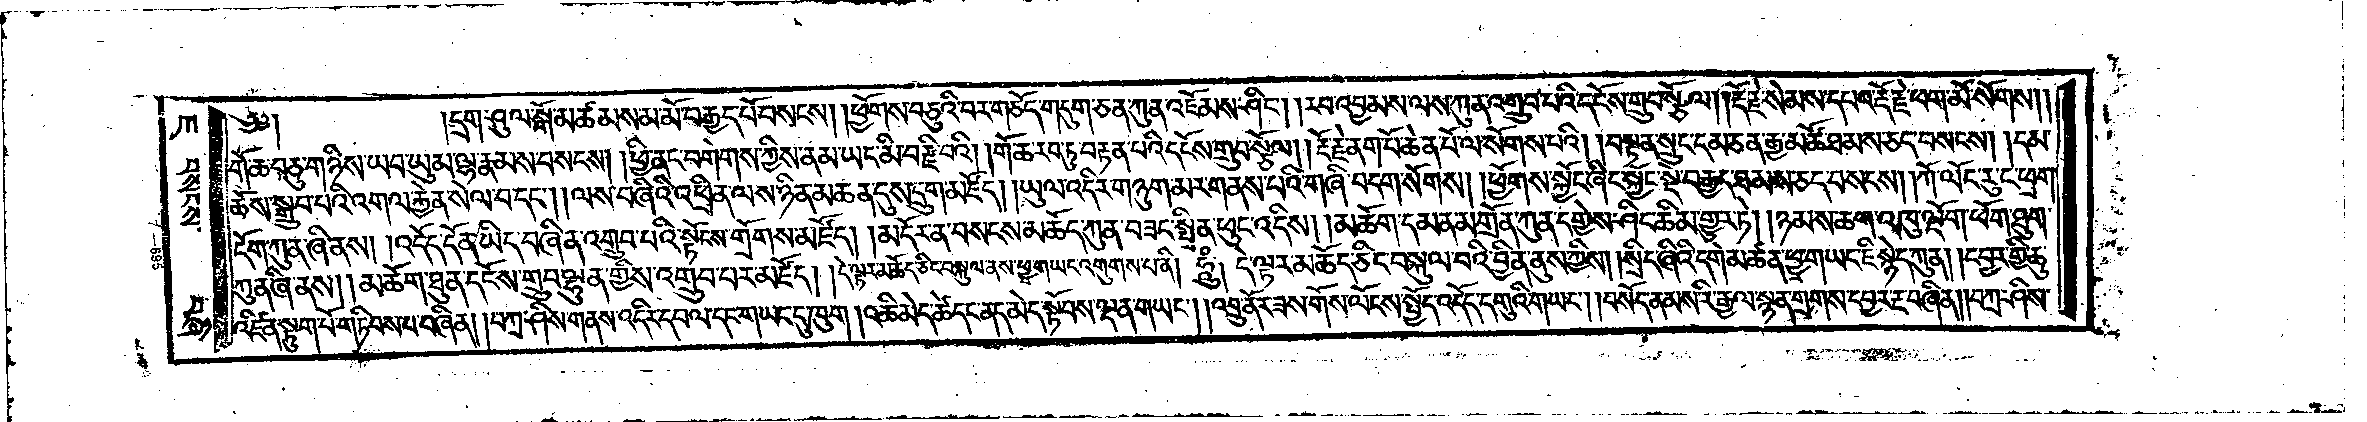༄༅། །དྲག་ཤུལ་སྒོམ་མཚམས་མ་མོ་བརྒྱད་པོ་བསངས། །ཕྱོགས་བཅུའི་བར་གཅོད་བདུད་ཅན་ཀུན་འཛོམས་ཤིང་། །རབ་འབྱམས་ལས་ཀུན་འགྲུབ་པའི་དངོས་གྲུབ་སྩོལ། །རྡོ་རྗེ་སེམས་དཔའ་རྡོ་རྗེ་ཕག་མེ་སོགས།།
གོ་ཆ་བཅུ་གཉིས་ཡབ་ཡུམ་ལྷ་རྣམས་བསངས། །ཕྱི་ནང་བགེགས་ཀྱིས་ནམ་ཡང་མི་བརྫི་པའི། །གོ་ཆ་རབ་ཏུ་བརྟན་པའི་དངོས་གྲུབ་སྟོལ། །རྡོ་རྗེ་ནག་པོ་ཆེན་པོ་ལ་སོགས་པའི། །བསྟན་སྲུང་དམ་ཅན་རྒྱ་མཚོ་ཐམས་ཅད་བསངས། །དམ་
ཆོས་སྒྲུབ་པའི་འགལ་རྐྱེན་སེལ་བ་དང་། །ལས་བཞིའི་འཕྲིན་ལས་ཉིན་མཚན་དུ་དྲུག་མཛོད། །ཡུལ་འདིར་གཉུག་མར་གནས་པའི་གཞི་བདག་སོགས། །ཕྱོགས་སྐྱོང་ཞིང་སྐྱོང་སྡེ་བརྒྱད་ཐམས་ཅད་བསངས། །ཀྱི་ལོང་རུང་ཕྲག་
དོག་ཀུན་ཞི་ནས། །འདོད་དོན་ཡིག་བཞིན་འགྲུབ་པའི་སྟོངས་གྲོགས་མཛོད། །མདོར་ན་བསངས་མཆོད་ཀུན་བཟང་སྤྲིན་ཕུང་འདིས། །མཆོག་དམན་མགྲོན་ཀུན་དགྱེས་ཤིང་ཚིམ་གྱུར་ཏེ། །ཉམས་ཆག་འཁུར་ལྡོག་ཕོག་ཐུག་
ཀུན་ཞི་ནས། །མཆོག་ཐུན་དངོས་གྲུབ་ལྷུན་གྱིས་འགྲུབ་པར་མཛོད། །དེ་ལྟར་མཆོད་ཅིང་བསྐུལ་ནས་ཕྱག་གཡང་འགུགས་པ་ནི། ཧཱུཾ་དེ་ལྟར་མཆོད་ཅིང་བསྐུལ་པའི་བྱིན་ནུས་ཀྱི། །སྲིན་གཞིའི་དགེ་མཚན་ཕྱག་གཡང་ཇི་སྙེད་ཀུན། །དབྱར་གྱི་ཆུ་
འཛིན་སྟུག་པོ་གཏིབས་པ་བཞིན། །བརྐ་ཤིས་གནས་འདིར་དཔལ་དང་གཡང་དུ་ཁུག །ཆི་མེད་ཚེ་དང་ནད་མེད་སྟོབས་ལྡན་གཡང་། །བར་ནར་ཟས་གོས་ལོངས་སྤྱོད་འདོད་དགུའི་གཡང་། །བསོད་ནམས་རི་གྱལ་སྙན་གྲགས་དབྱར་རྔ་བཞིན། །བཀྲ་ཤིས་